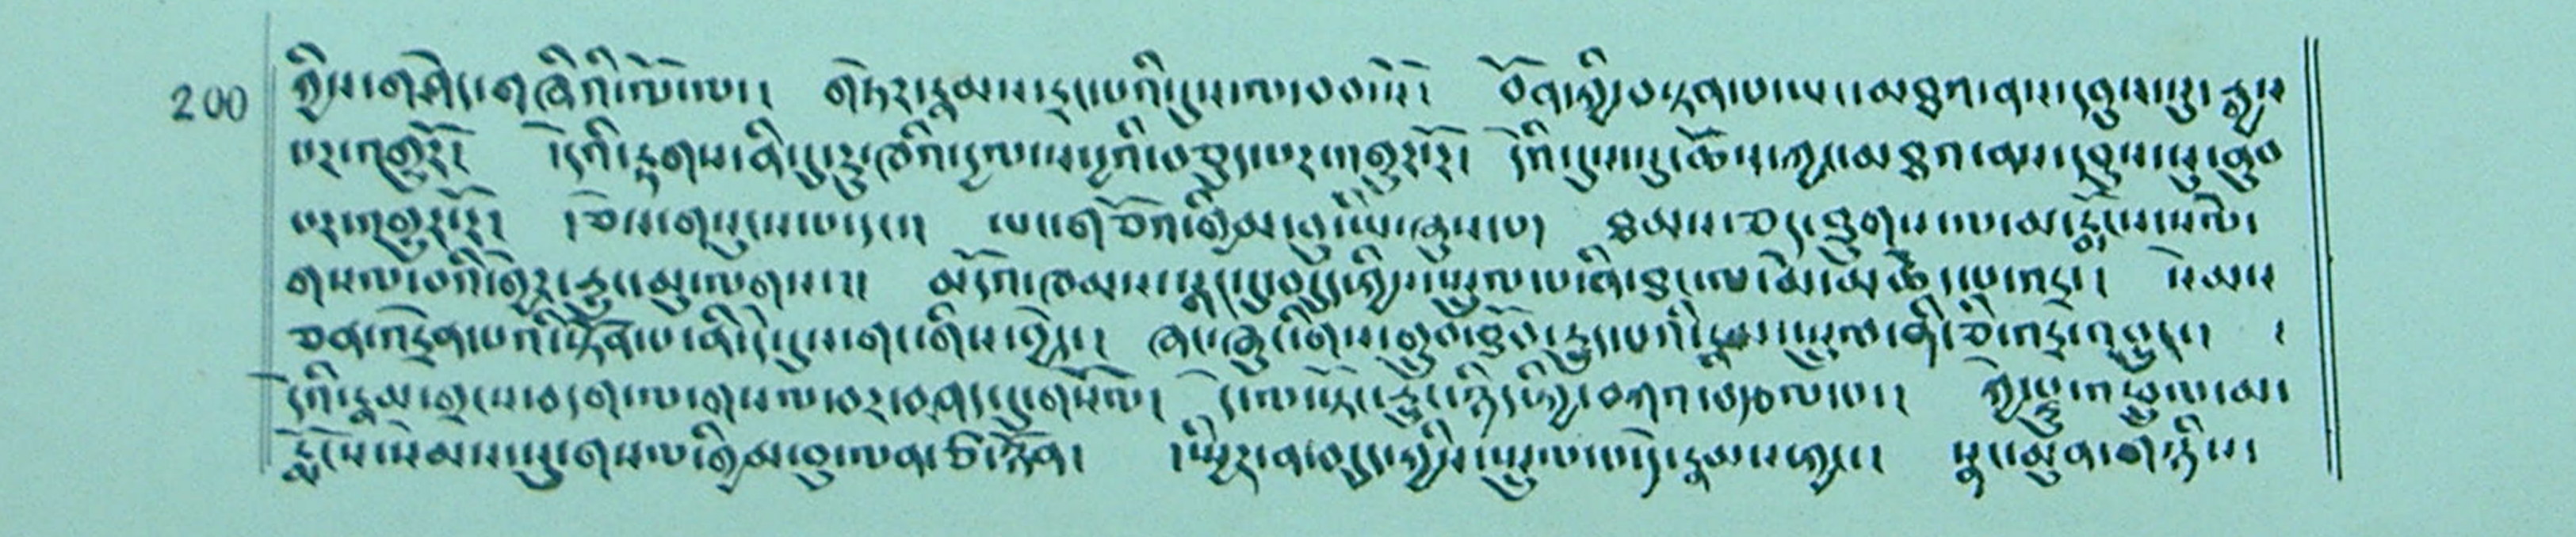ཀྱིས་གཤེད་བཞིའི་ལོ་ལ། གཏེར་རྣམས་དྲང་བའི་དུས་ལ་བབ་སོ། བོན་གྱི་བསྟན་པ་ཡང་མཐའ་ནས་དབུས་སུ་རྒྱས་
པར་འགྱུར་རོ། །དེའི་རྟགས་ནི་དུ་རུ་ཁའི་རྒྱལ་ས་རྒྱ་ཡིས་བཅུད་པར་འགྱུར་རོ། དེའི་དུས་སུ་ཆོས་ཀྱང་མཐའ་ནས་དབུས་སུ་ནུབ་
པར་འགྱུར་རོ། །ཞེས་གསུངས་པ་དང་། ཡང་གཅོའ་གྱིམ་བུ་ཡིས་ཞུས་པ། ཐམས་ཅད་ཐུགས་ལ་མ་རྨོངས་སལེ་
གསལ་བའི་གྱེར་རྒྱུང་མུ་ལགས། མདོ་ཁམས་སྒང་དུ་བདུད་ཀྱིས་སྤྲུལ་པ་ནི་ཐང་ལ་མེ་མཆེད་པ་འདྲ། སེམས་
ཅན་འདྲེན་པའི་སྟོན་པ་ནི་དེ་དུས་གང་གིས་བྱེད། ཞང་ཞུང་གི་གྲུབ་ཐོབ་རྒྱུད་པའི་རྣམ་འཕྲུལ་ནི་ཅི་འདྲ་འབྱུང་། 
དེའི་རྣམ་གྲངས་བདག་ལ་གསལ་པར་བཤད་དུ་གསོལ། ཞེས་ཞུས་པས། དེ་ལ་སྟོང་རྒྱུང་ཉིད་ཀྱིས་བཀའ་སྩལ་པ། ཀྱེ་རྫུ་འཕྲུལ་མ་
རྨོངས་སེམས་སུ་གསལ་པའི་གྱེམ་བུ་ལན་ཚ་ཉོན། སྤྱིར་ན་བདུད་ཀྱི་སྤྲུལ་པོ་དེ་རྣམས་ཀྱང་། སྣང་མུན་གཉིས་